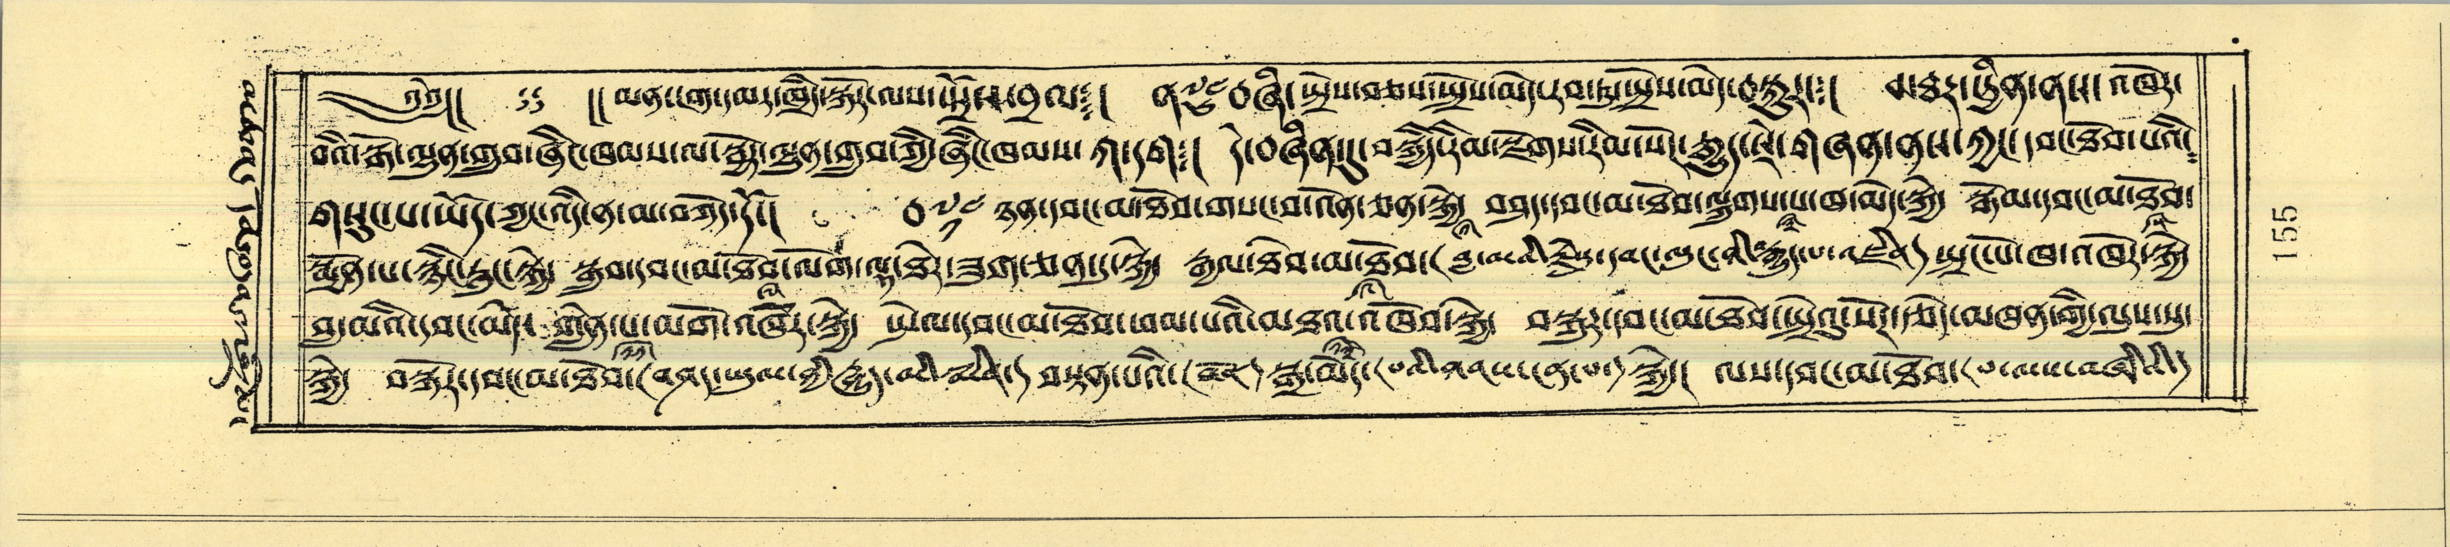མན་ངག་དམར་ཁྲིད་སྐོར་ལས་༼སྤྲོས་བྲལ༽ ན༧༤།༦ སྤྲོས་བཅས་སྤྲོས་མེད་རབ་ཏུ་སྤྲོས་མེད་ ༼བསྐུར༽༼མཐར་ཕྱིན་ནས༽འཁོར་
བའི་སྒོ་ལྷུན་གྲུབ་ཞིང་ཁམས་ལ་སྦྱོར་ལྷུན་གྲུབ་ཀྱི་ཞིང་ཁམས་༼ཀ་དག༽༼དེ་བཞིན་དུ༽བསྐྱེད་རིམ་རྫོགས་རིམ་སོགས་༼རྒྱུད་སྡེ༽གཞན་ནས་ཀྱང་དབང་ཐོབ་པའི་
གསུང་པ་ཡོད་ཀྱང་འདི་ན་མ་བཀོད་༼དོ༽བ༧༤།༡ ཉན་དབང་མ་ཐོབ་གསང་བ་འོན་ཅན་སྐྱེ། བཤད་དབང་མ་ཐོབ་ལྐུགས་པ་ཁ་མེད་སྐྱེ། སྒོམ་དབང་མ་ཐོབ་
སྨྱོན་པའི་སྙིང་རླུང་སྐྱེ། སྒྲུབ་དབང་མ་ཐོབ་ལོག་ལྟ་ཐེར་ཟུག་ཅན་དུ་སྐྱེ། རྒྱལ་ཐེབ་མ་ཐོབ་(བླ་མའི་རྗེས་སུ་དབང་ལུང་གི་བརྒྱུད་པ་འཛིན)སྤྲང་པོ་ཁ་འཁོར་སྐྱེ། 
བླ་མའི་དབང་མེད་གླེན་པ་མགོ་འཁོར་སྐྱེ། སྤེལ་དབང་མ་ཐོབ་ཕམ་པའི་མཐའ་འཁོབ་སྐྱེ། བསྐུར་དབང་མ་ཐོབ་སྤྲེའུ་སོགས་རྩེད་མཁན་གྱི་ལུས་སུ་
སྐྱེ། བསྐོར་དབང་མ་ཐོིབ་(བཤད་ཡུལ་གྱི་རྒྱུད་མི་སྨིན)བསྟན་པའི་(བོན)སྒྲ་མེད་(པའི་གནས་ངན་པ)སྐྱེ། ལས་དབང་མ་ཐོབ་(པ་ལས་བཞིའི)